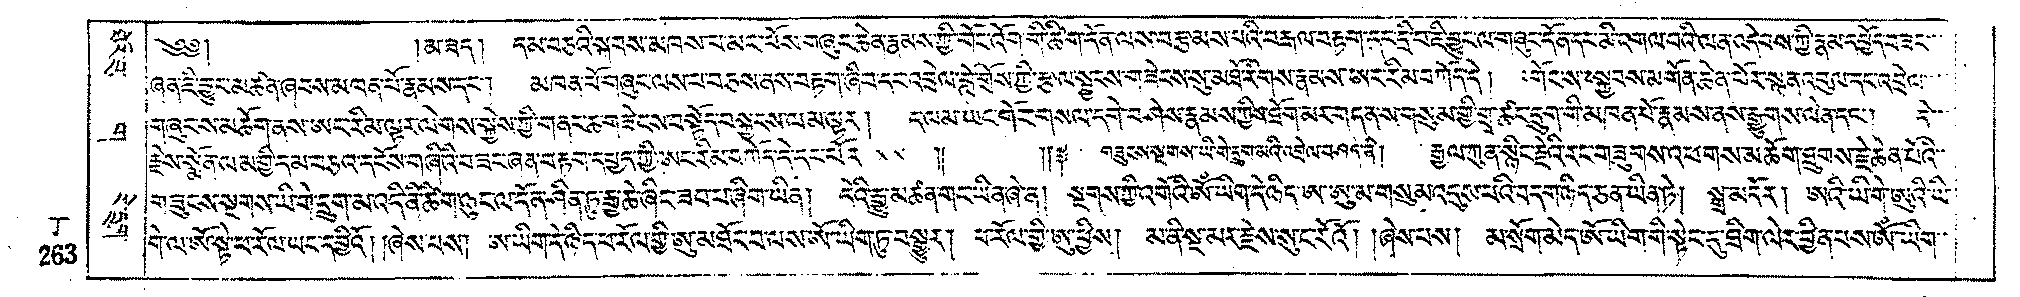༄༅། །མ་ཟད། དམ་བཅའི་སྐབས་མཁས་པ་མང་པོས་གཞུང་ཆེན་རྣམས་ཀྱི་གོང་འོག་གི་ཚིག་དོན་ལས་བརྩམས་པའི་བརྒལ་བརྟག་དང་དྲི་བ་ཇི་བྱུང་ལ་གཞུང་དོན་དང་མི་འགལ་བའི་ལན་འདེབས་ཀྱི་རྣམ་དཔྱོད་བཟང་་་
ཞན་ཇི་བྱུང་མཚན་ཞབས་མཁན་པོ་རྣམས་དང་། མཁན་པོ་གཞུང་ལས་པ་བཅས་ནས་བརྟག་ཞིབ་དང་འབྲེལ་བློ་གྲོས་ཀྱི་རྩལ་སྦྱངས་གཟེངས་སུ་མཐོ་རིགས་རྣམས་ཨང་རིམ་བཀོད་དེ། ༧གོང་ས ༧སྐྱབས་མགོན་ཆེན་པོར་སྙན་འབུལ་དང་འབྲེལ་་་
གཞུང་ས་མཆོག་ནས་ཨང་རིམ་ལྟར་ལེགས་སྐྱེས་ཀྱི་གནང་ཆ་གཟེངས་བསྟོད་བསྐྱངས་ལམ་ལྟར། ད་ལམ་ཡང་གོང་གསལ་དགེ་བཤེས་རྣམས་ཀྱིས་ཐོག་མར་གདན་ས་གསུམ་གྱི་གྲྭ་ཚང་དྲུག་གི་མཁན་པོ་རྣམས་ནས་རྒྱུགས་ལེན་དང་། དེ་་་
རྗེས་སྨོན་ལམ་གྱི་དམ་བཅའ་དངོས་གཞིའི་བཟང་ཞན་བརྟག་དཔྱད་ཀྱི་ཨང་རིམ་བཀོད་དེ་དང་པོར་྾་྾་།། །།འ་གཟུངས་སྔགས་ཡི་གེ་དྲུག་མའི་འགྲེལ་བཤད་ནི།  རྒྱལ་ཀུན་སྙིང་རྗེའི་རང་གཟུགས་འཕགས་མཆོག་ཐུགས་རྗེ་ཆེན་པོའི་་་
གཟུངས་སྔགས་ཡི་གེ་དྲུག་མ་འདི་ནི་ཚིག་ཉུང་ལ་དོན་ཤིན་ཏུ་རྒྱ་ཆེ་ཞིང་ཟབ་པ་ཞིག་ཡིན། དེའི་རྒྱུ་མཚན་གང་ཡིན་ཞེ་ན། སྔགས་ཀྱི་འགོའི་ཨོཾ་ཡིག་དེ་ཉིད་ཨ་ཨུ་མ་གསུམ་འདུས་པའི་བདག་ཉིད་ཅན་ཡིན་ཏེ། སྒྲ་མདོར། ཨཱི་ཡི་གེ་ཨུའི་ཡི་
གེ་ལ་ཨོ་སྟེ་ཕ་རོལ་ཡང་དབྱིའོ། །ཞེས་པས། ཨ་ཡིག་དེ་ཉིད་ཕ་རོལ་གྱི་ཨུ་མཐོང་བ་ལས་ཨོ་ཡིག་ཏུ་བསྒྱུར། ཕ་རོལ་གྱི་ཨུ་ཕྱིས། མ་ནི་སྔ་མར་རྗེས་སུ་ང་རོའོ། །ཞེས་པས། མ་སྲོག་མེད་ཨོ་ཡིག་གི་སྟེང་དུ་ཐིག་ལེར་བྱིན་པས་ཨོཾ་ཡིག་་་